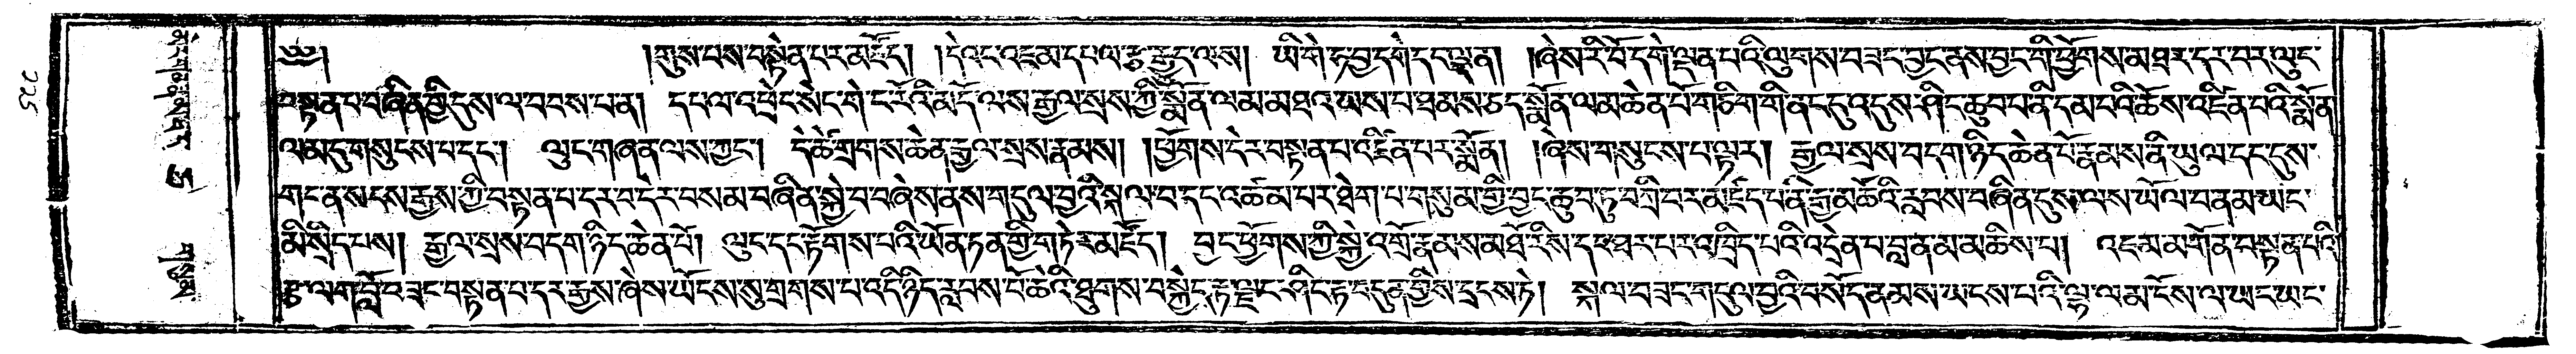༄༅། །གུས་པས་བསྟེན་པར་མཛོད། །དེའང་འཇམ་དཔལ་རྩ་རྒྱུད་ལས། ཡི་གེ་ཧ་བྱ་དགེ་དང་ལྡན། །ཞེས་རི་བོ་དགེ་ལྡན་པའི་ལུགས་བཟང་བྱང་ནས་བྱང་གི་ཕྱོགས་མཐར་དར་བར་ལུང་
བསྟན་པ་བཞིན་གྱི་དུས་ལ་བབས་པ་ན། དཔལ་འཕྲེང་སེང་གེ་ང་རོའི་མདོ་ལས་རྒྱལ་སྲས་ཀྱི་སྨོན་ལམ་མཐའ་ཡས་པ་ཐམས་ཅད་སྨོན་ལམ་ཆེན་པོ་གཅིག་གི་ནང་དུ་འདུས་ཤིང་ཆུབ་པ་ནི་དམ་པའི་ཆོས་འཛིན་པའི་སྨོན་
ལམ་དུ་གསུངས་པ་དང་། ལུང་གཞན་ལས་ཀྱང་། དེ་ཚེ་གྲགས་ཆེན་རྒྱལ་སྲས་རྣམས། །ཕྱོགས་དེར་བསྟན་པ་འཛིན་པར་སྨོན། །ཞེས་གསུངས་པ་ལྟར། རྒྱལ་སྲས་བདག་ཉིད་ཆེན་པོ་རྣམས་ནི་ཡུལ་དང་དུས་
གང་ན་སངས་རྒྱས་ཀྱི་བསྟན་པ་དར་བ་དེར་བསམ་བཞིན་སྐྱེ་བ་བཞེས་ནས་གདུལ་བྱའི་སྐལ་བ་དང་འཚལ་པར་ཐེག་པ་གསུམ་གྱི་བྱང་ཆུབ་ཏུ་བཀྲི་བར་མཛད་པ་ནི་རྒྱ་མཚོའི་རླབས་བཞིན་དུས་ལས་ཡོལ་བ་ནམ་ཡང་
མི་སྲིད་པས། རྒྱལ་སྲས་བདག་ཉིད་ཆེན་པོ། ལུང་དང་རྟོགས་པའི་ཡོན་ཏན་གྱི་གཏེར་མཛོད། བྱང་ཕྱོགས་ཀྱི་སྐྱེ་འགྲོ་རྣམས་མཐོ་རིས་དང་ཐར་པར་འཁྲིད་པའི་འདྲེན་པ་བླ་ན་མ་མཆིས་པ། འཇམ་མགོན་བསྟན་པའི་
རྩ་ལག་བློ་བཟང་བསྟན་པ་དར་རྒྱས་ཞེས་ཡོངས་སུ་གྲགས་པ་འདི་ཉིད་རླབས་པོ་ཆེའི་ཐུགས་བསྐྱེད་རྟ་ལྗང་ཤིང་རྟ་བདུན་གྱིས་དྲངས་ཏེ། སྐལ་བཟང་གདུལ་བྱའི་བསོད་ནམས་ཡངས་པའི་ལྷ་ལམ་རོས་ལ་ཡང་ཡང་